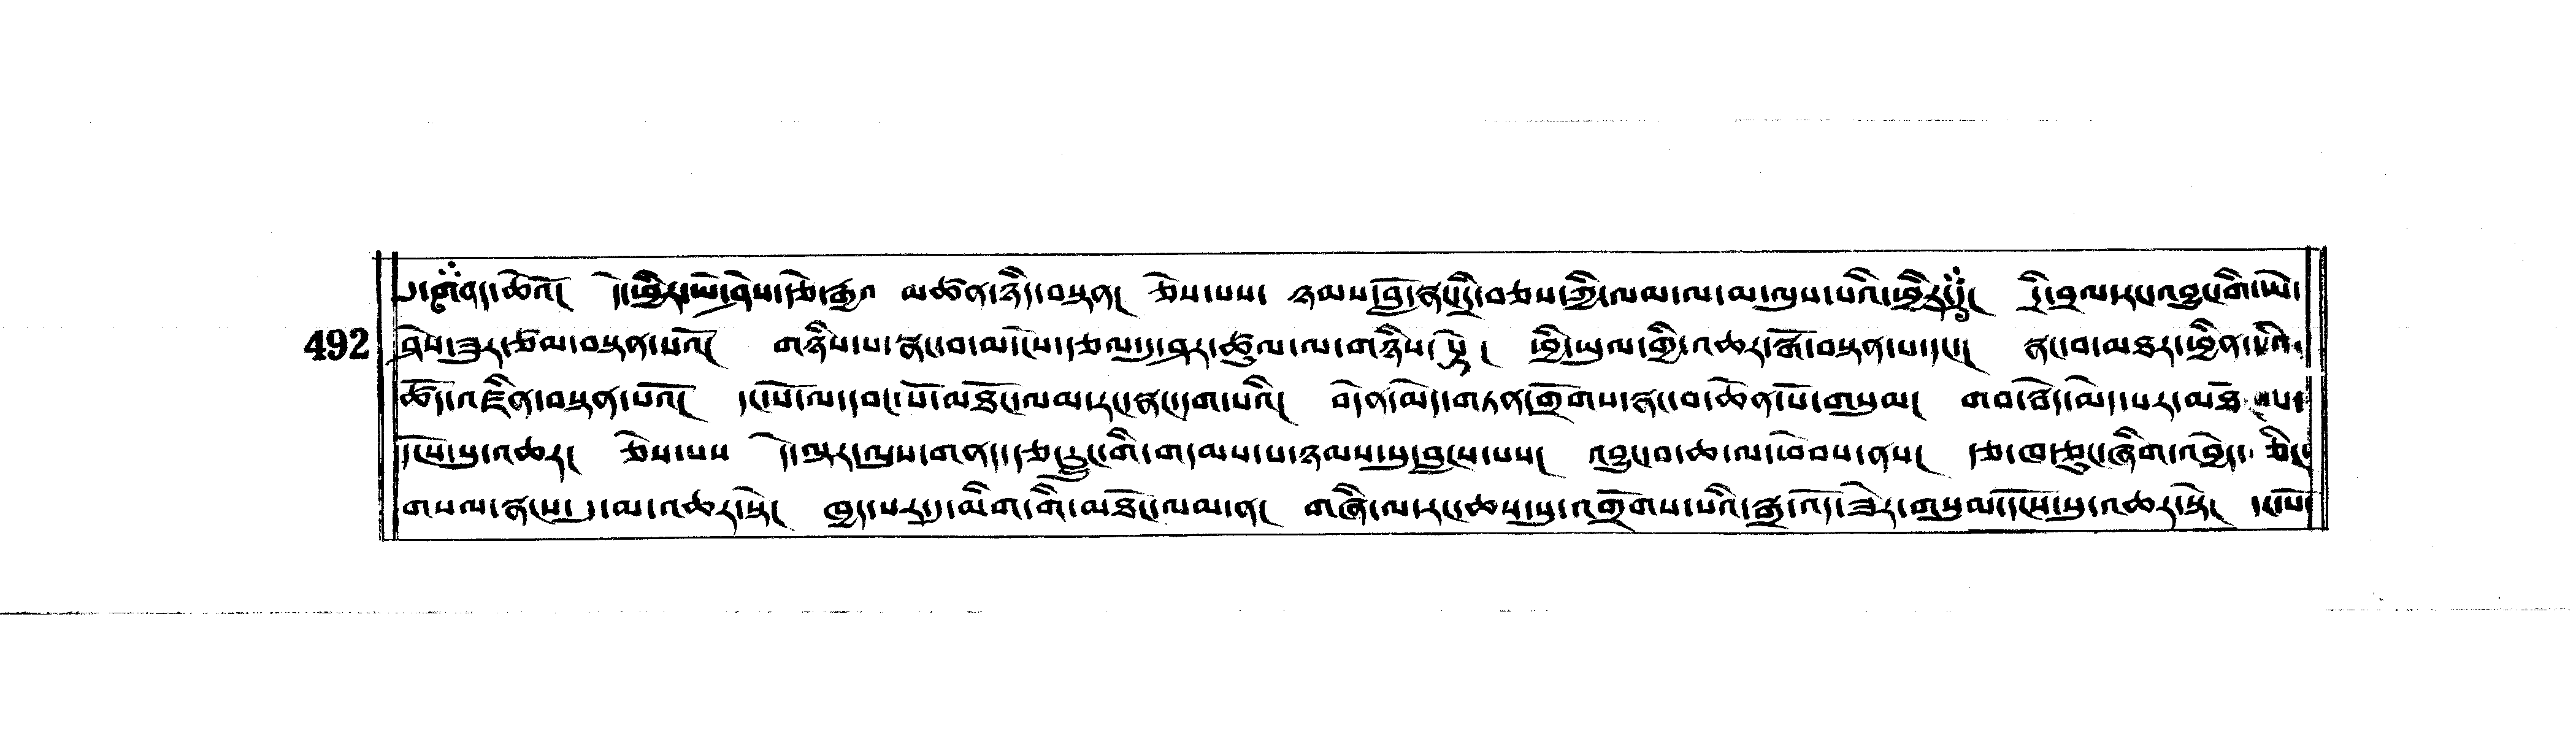དུ། དྲི་བྲལ་རང་འབྱུང་གི་ཡེ་
ཤེས་ཟུར་ཙམ་བསྟན་པའོ། གཉིས་པ་སྣང་བ་མ་ངེས་རྩལ་དུ་ཤར་ཚུལ་ལ་གཉིས་ཏེ། ཕྱི་ཡུལ་གྱི་འཆར་སྒོ་བསྟན་པ་དང་། སྣང་བ་མཐར་ཕྱིན་པའི་
ཚོད་འཛིན་བསྟན་པའོ། དང་པོ་ལ། དབང་པོ་མཐོང་ལམ་རང་སྣང་དག་པ་ཡི། བདེན་མེད་གཏན་གྲོགས་སྣང་བ་ཆེན་པོ་གསུམ། གབ་སྦེད་མེད་པར་མཐོང་བ་
དངོས་སུ་འཆར། ཅེས་པས། དེ་ལྟར་ལུས་གནད་རྩ་རླུང་གི་གདམས་པ་ཉམས་སུ་བླངས་པས། འབྱུང་བ་ཆ་ལ་ཕེབས་ནས། རྩ་ཁ་ཅུང་ཞིག་འབྱེད་ཅིང་
གསལ་སྣང་དུ་མ་འཆར་ཏེ། ཁྱད་པར་དུ་མིག་གི་མཐོང་ལམ་ན། གཞི་ལ་རང་ཆས་སུ་འགྲོགས་པའི་སྒྲ་འོད་ཟེར་གསུམ་དངོས་སུ་འཆར་ཏེ། དང་པོ་